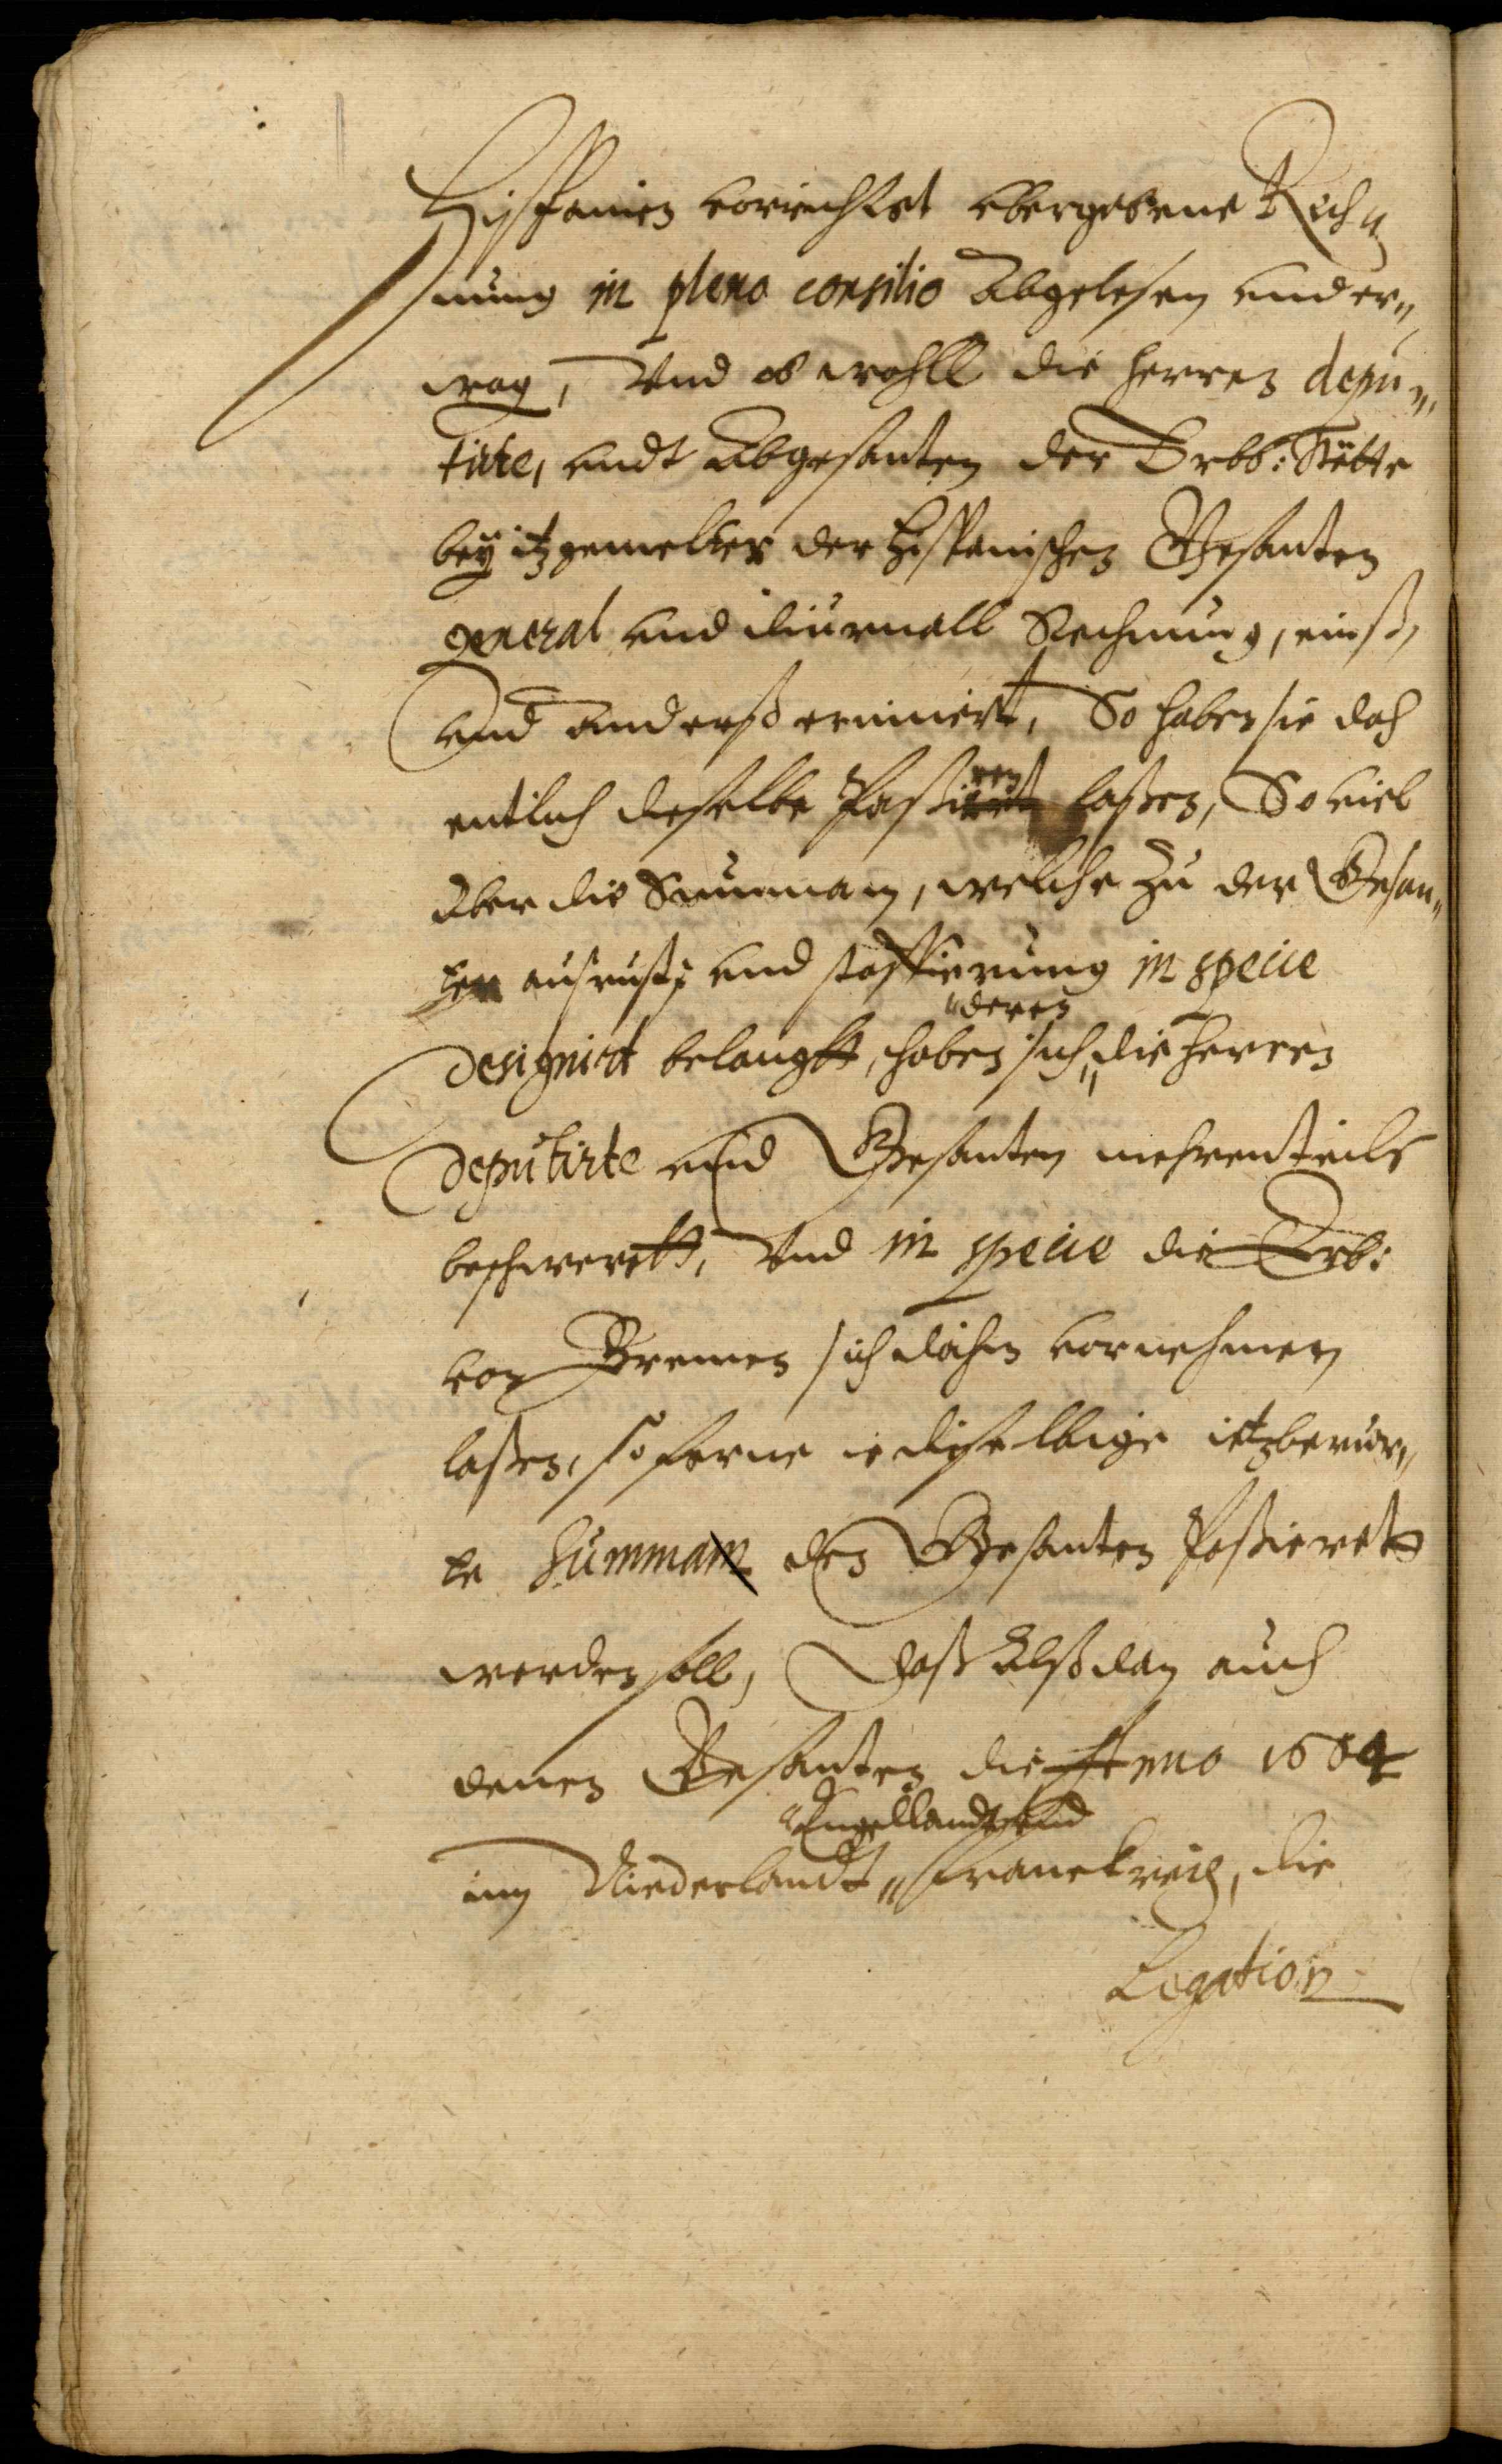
Hispanien vorrichtet vbergebene Rech¬
nung in pleno consilio abgelesen vnd er¬
wagen, vnd ob wohll die herren depu¬
tirte, vndt Abgesanten der Erbb: Stätte
beij itzgemelter der Hispanischen Gesanten
general vnd diurnall Rechnung, einß,
vnd Anderß erinnert, So haben sie doch
entlich deselbe Paßiren laßen, So viel
Aber die Summam, welche zu der Gesan¬
ten ausrust: vnd staffierung in specie
designirt belangtt, haben sich deren die herren
deputirte vnd Gesanten mehrenteils
beschwerett, Vnd in specie die Erb:
von Bremen sich dahin vornehmen
laßen, so ferne in diselbige itzberur¬
te Summam den Gesanten Paßierett
werden soll, Daß alßdan auch
denen Gesanten die Anno 1664
inn Niederlandt Engellandt vnd Franckreich, die
Legation
